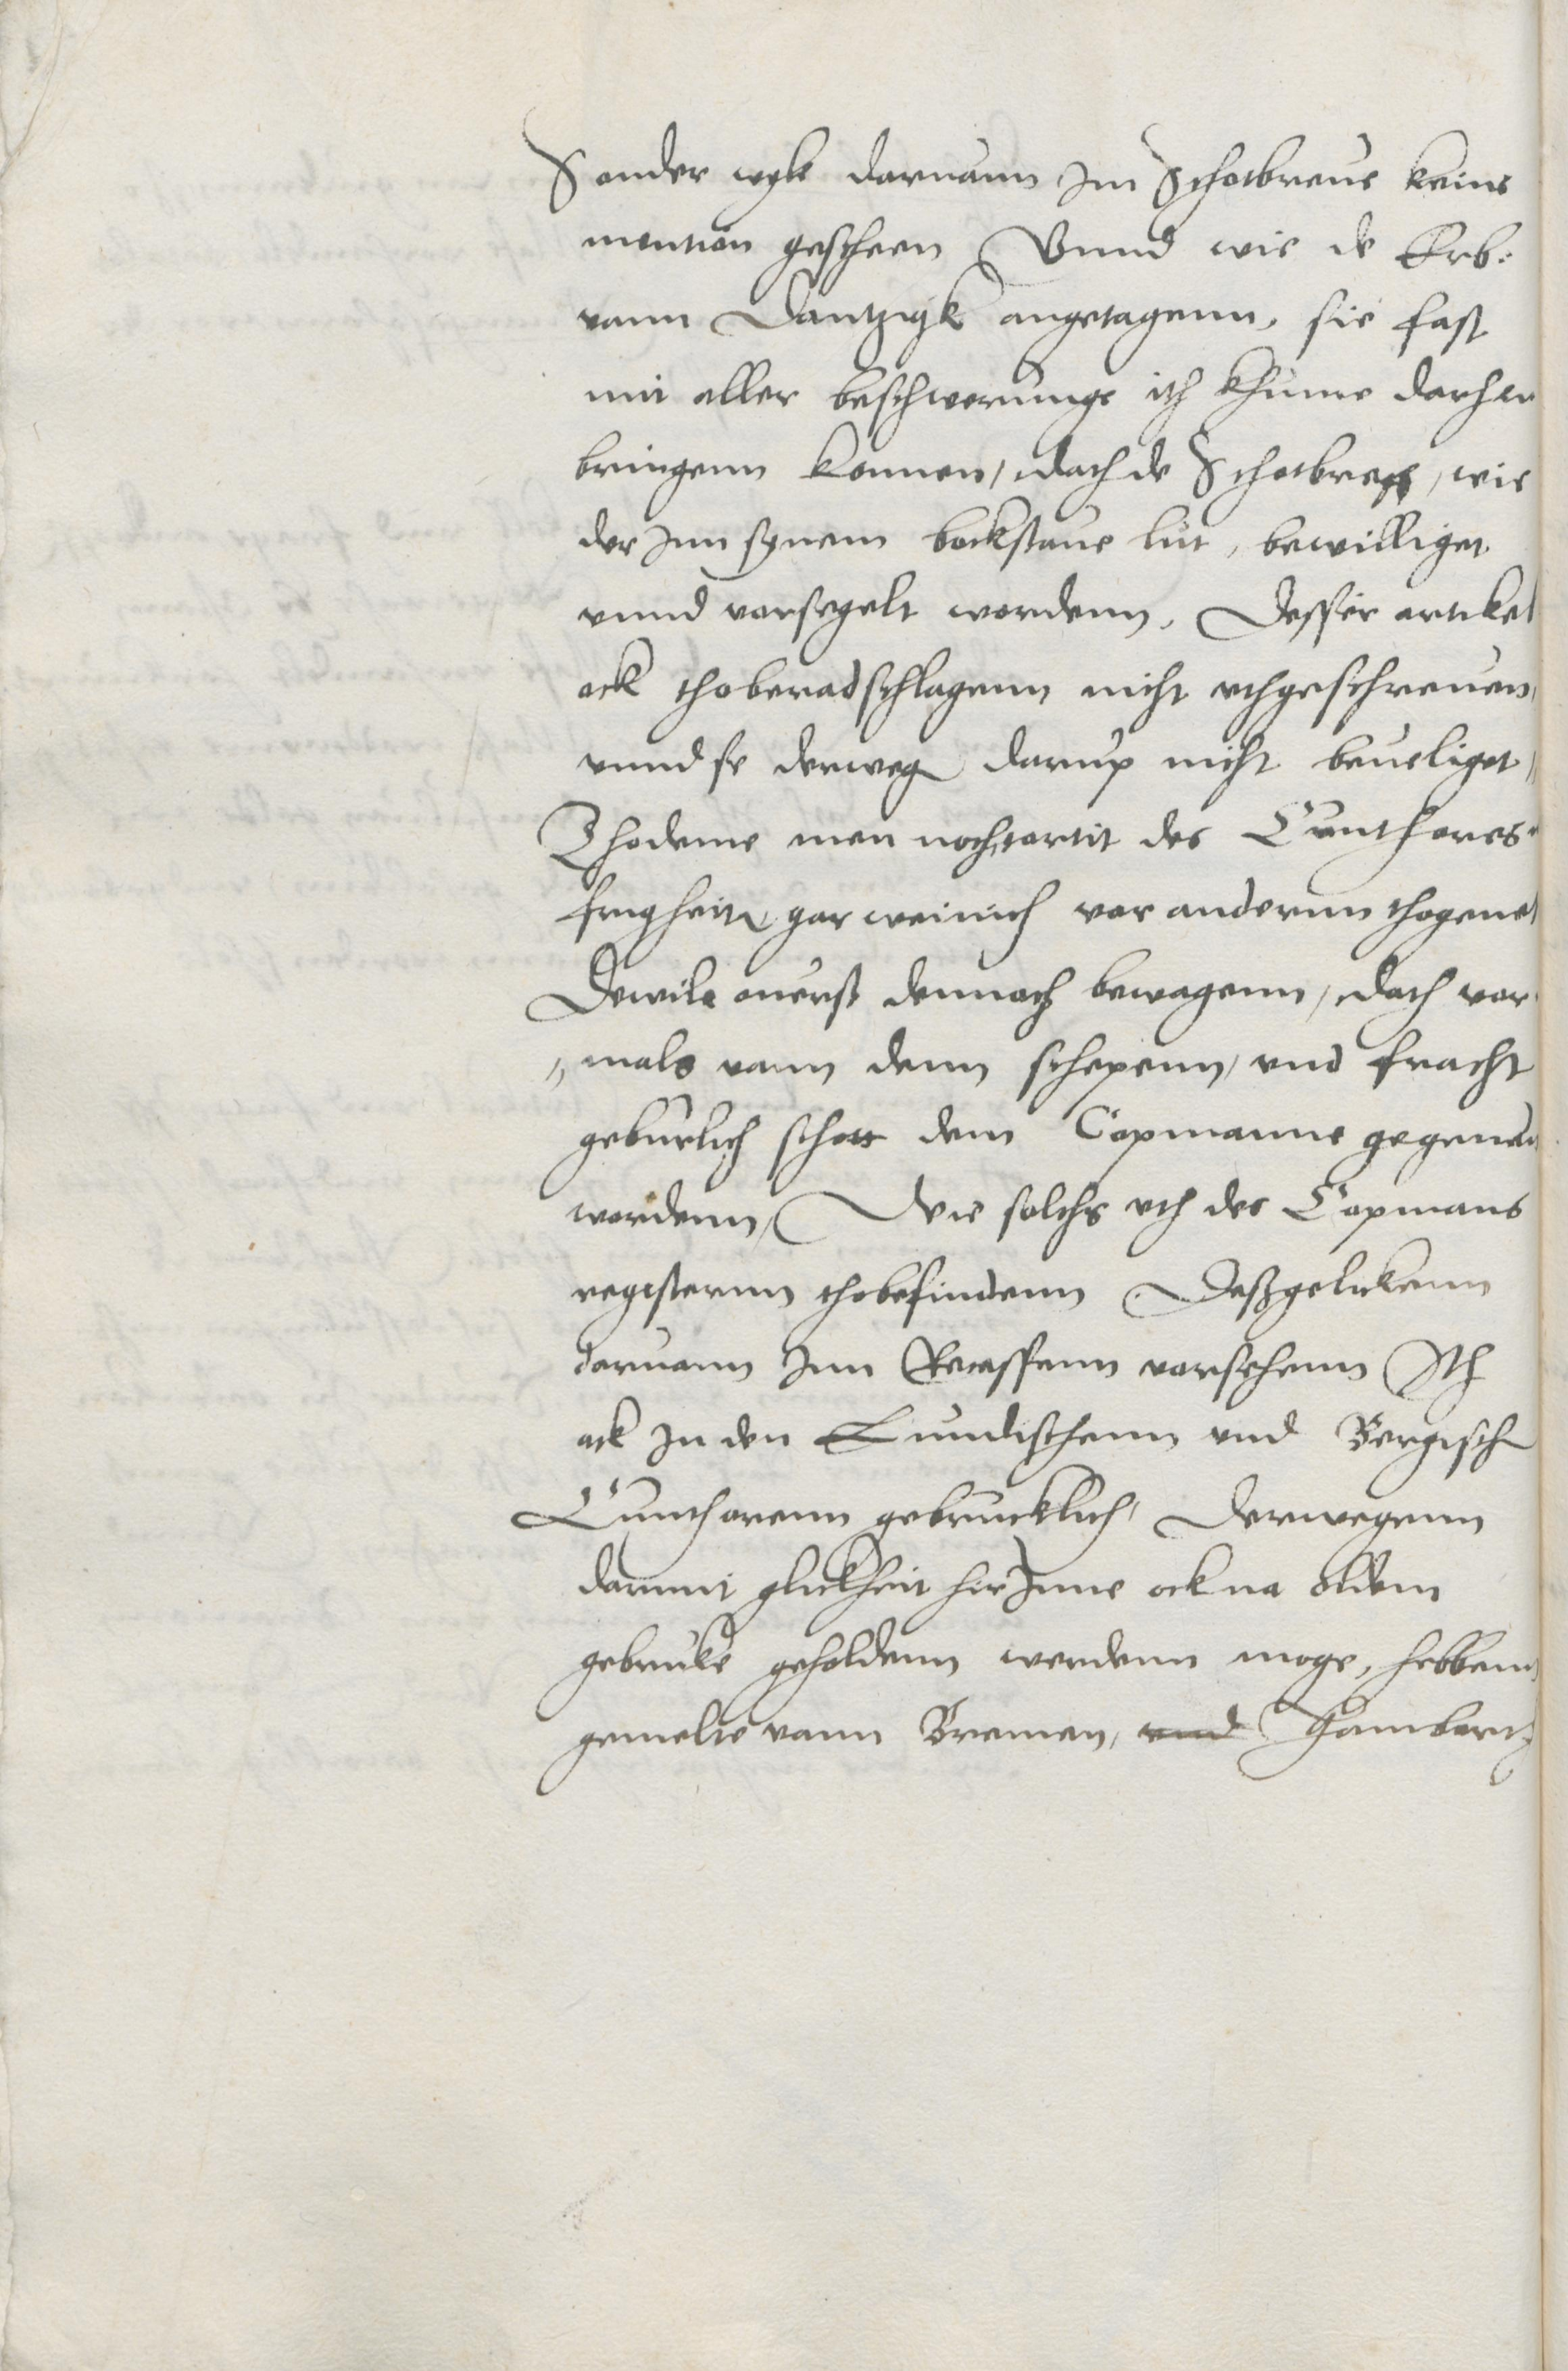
Sonder wyle daruann jm Schotbreue keine
mention gescheen Vnnd wie de Erb:
vann Dantzigk angetagenn, sie fast
mit aller beschwerunge ith khume darhin
bringenn konnen, dath de Schotbreff, wie
der jnn synem bockstaue lut, bewilliget
vnnd vorsegelt wordenn, Desser artikel
ock thoberadschlagenn nicht vthgeschreuen,
vnnd se derwegen darup nicht beueliget,
Thodeme men nochtortit des Cunthores
frigheiten gar weinich vor andernn thogenet
Dewile ouerst dennoch bewagenn, dath vor¬
mals vann denn schepenn, vnd fracht
geburlich schott dem Copmanne gegeuen
wordenn, Wie solchs vth des Copmans
regesternn thobefindenn Deßgelickenn
daruann jnn Recessenn vorsehenn jth
ock jn den Lundischenn vnd Bergischen
Cunthorenn gebrucklich, Derwegenn
darmit glickheit hirjnne ock na olden
gebruke geholdenn werdenn moge, hebbenn
gemelte vann Bremen, vnd Hamborch
